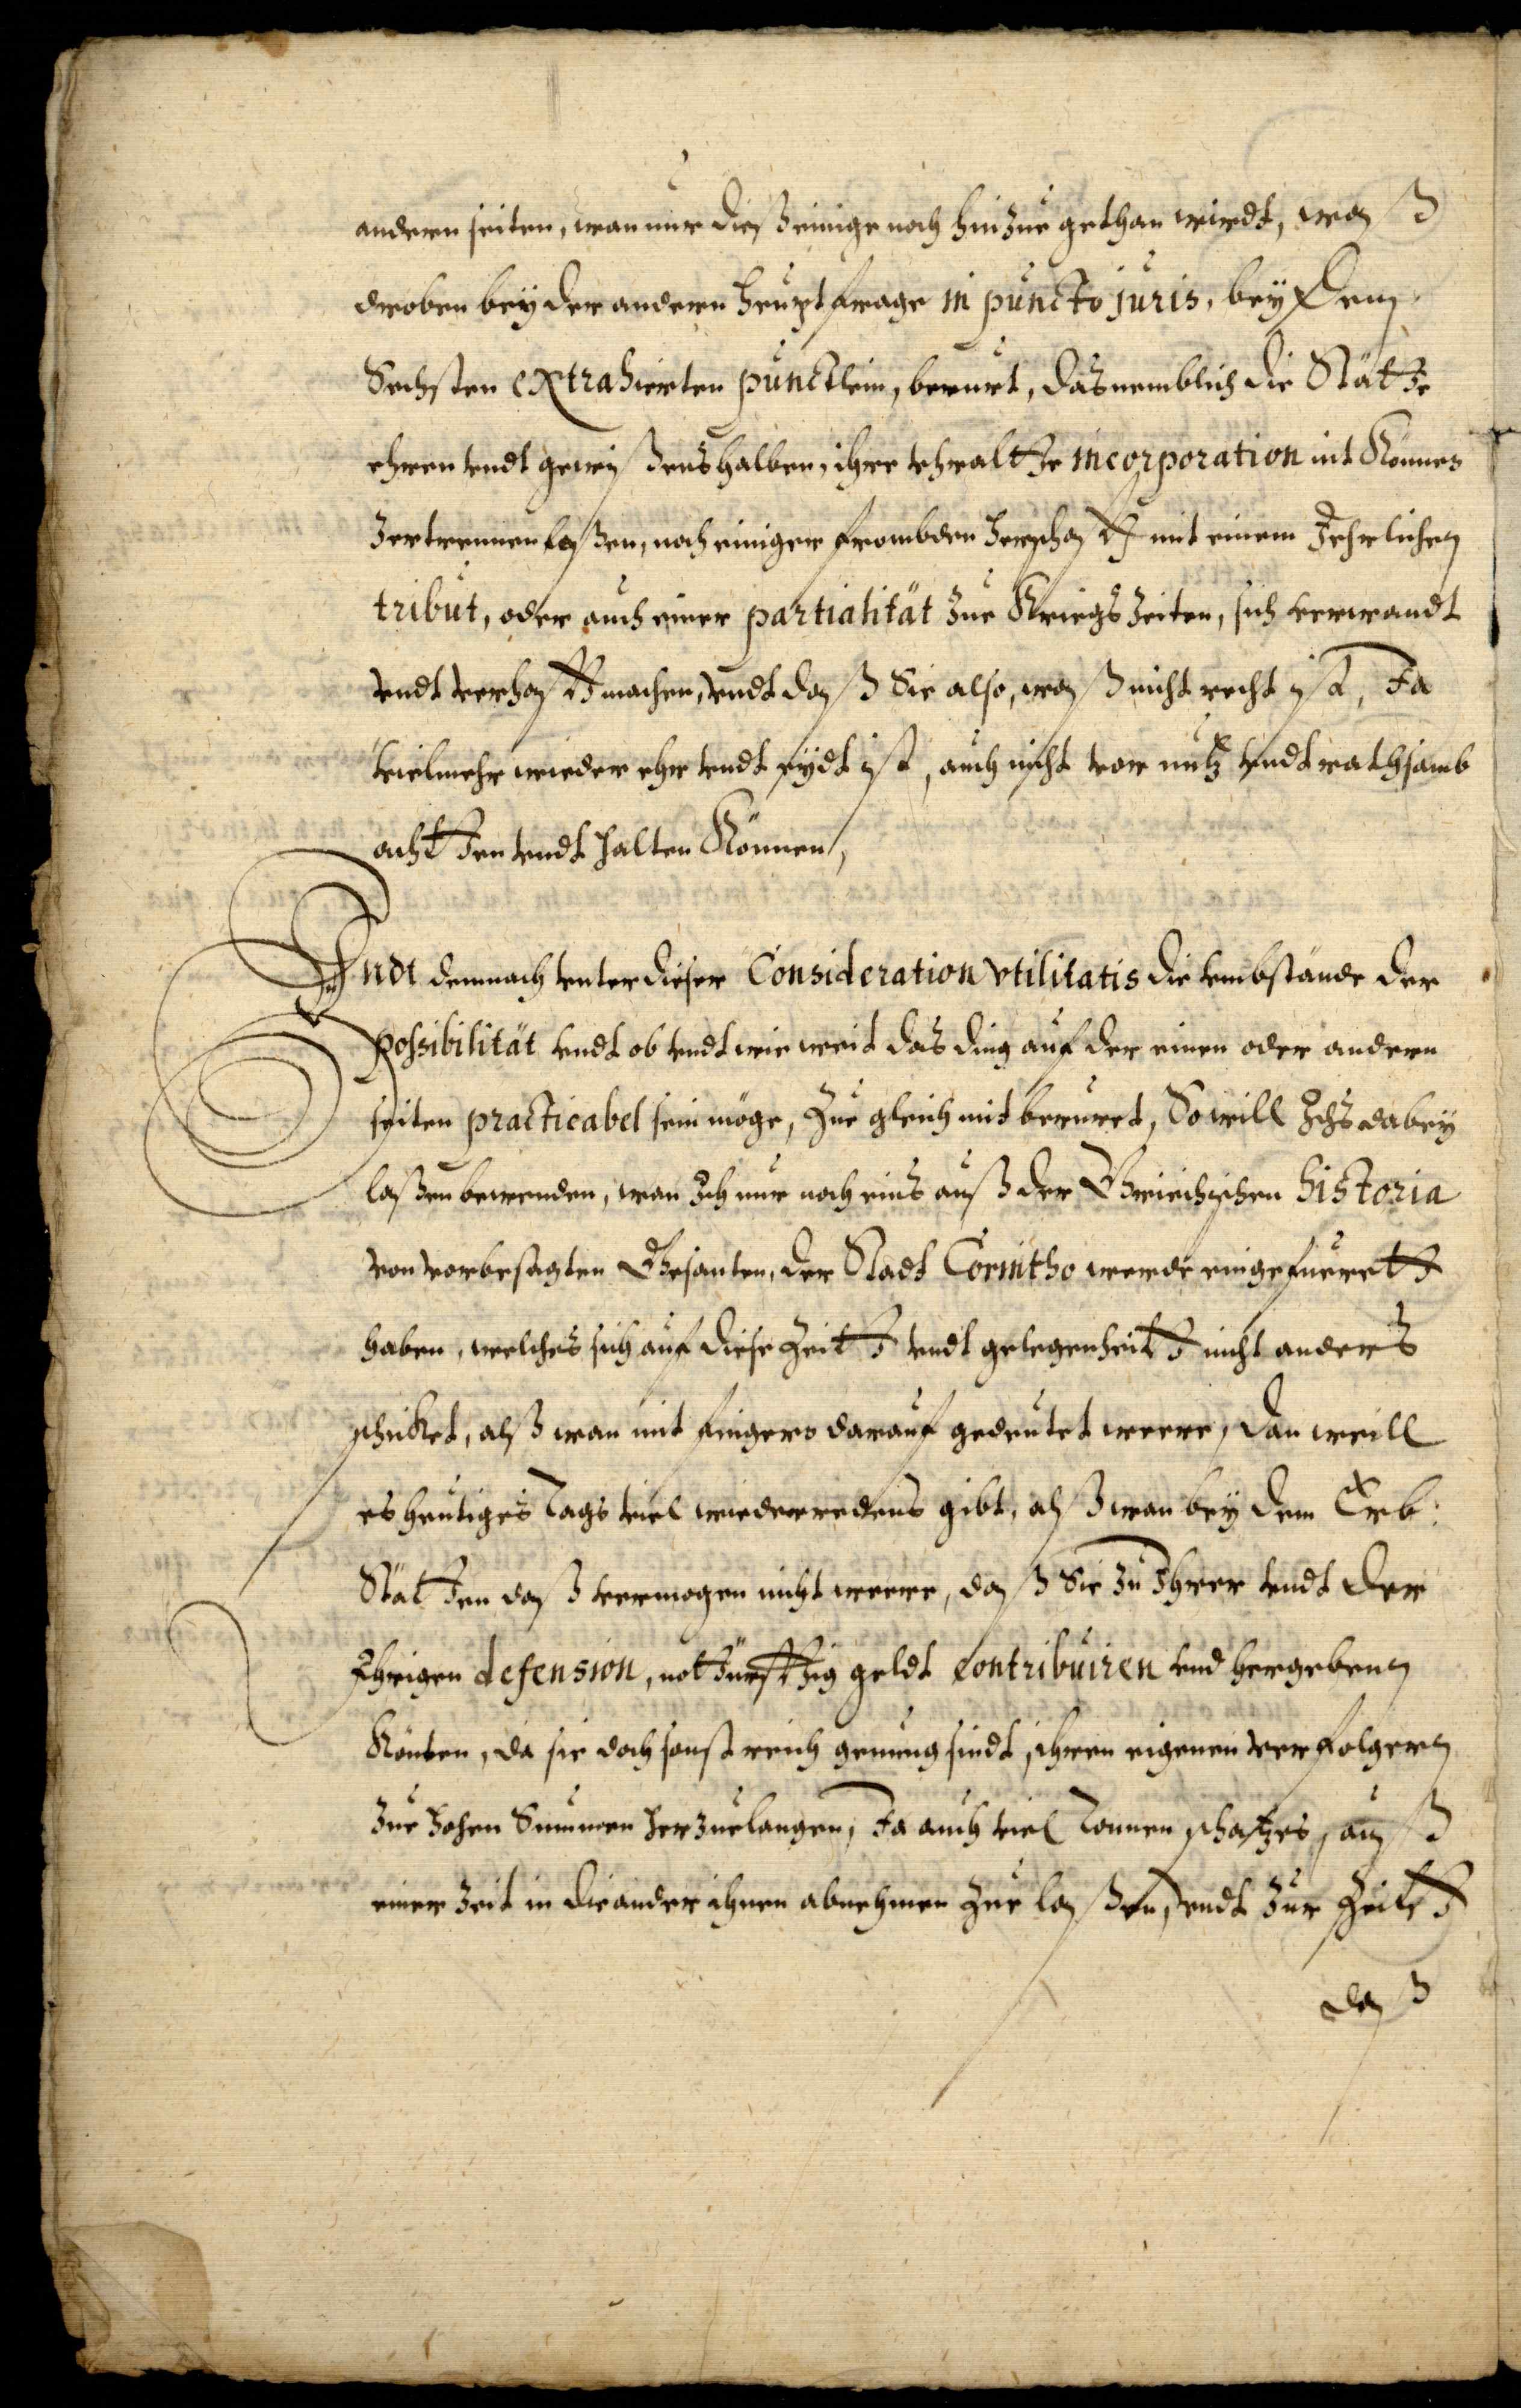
andern seiten, wan nur dieß einige noch hinzue gethan wirdt, waß
droben beij der andern Heuptfrage in puncto juris, beij Dem
Sechsten extrahierten punctlein, berurt, das nemblich die Stätte
ehren vndt gewißens halben, ihre vhraltte incorporation nit Können
zertrennen laßen, noch einiger frombden Herschafft mit einem Jehrlichen
tribut, oder auch einer partialität zue Kriegs zeiten, sich verwandt
vndt verhafft machen, vndt daß Sie also, waß nicht recht ist, Ja
vielmehr wieder ehr vndt eijdt ist, auch nicht vor nutz vndt rathsamb
achtten vndt halten Können,
Vndt demnach vnter dieser Consideration vtilitatis die vmbstände der
possibilität vndt ob vndt wie weit das ding auf der einen oder andern
seiten practicabel sein möge, Zue gleich mit beruret, So will Ichs dabeij
laßen bewenden, wan Ich nur noch eins auß der Griechischen Historia
von vorbesagten Gesanten, der Stadt Corintho werde eingefuerett
haben, welches sich auf diese Zeitt vndt gelegenheitt nicht anders
schicket, alß wan mit fingern darauf gedeutet weere, Dan weill
es heutiges Tags viel wiederredens gibt, alß wan beij dem Erb:
Stätten daß vermogen nicht weere, daß Sie zu Ihrer vndt der
Ihrigen defension, nottürfftig geldt contribuiren vnd hergebenn
könten, da sie doch sonst reich gennug sindt, ihren eigenen verfolgern
zue hohen Summen herzuelangen, Ja auch viel Tonnen schatzes, auß
einer Zeit in die ander ihnen abnehmen zue laßen, vndt zur Zeitt
daß
